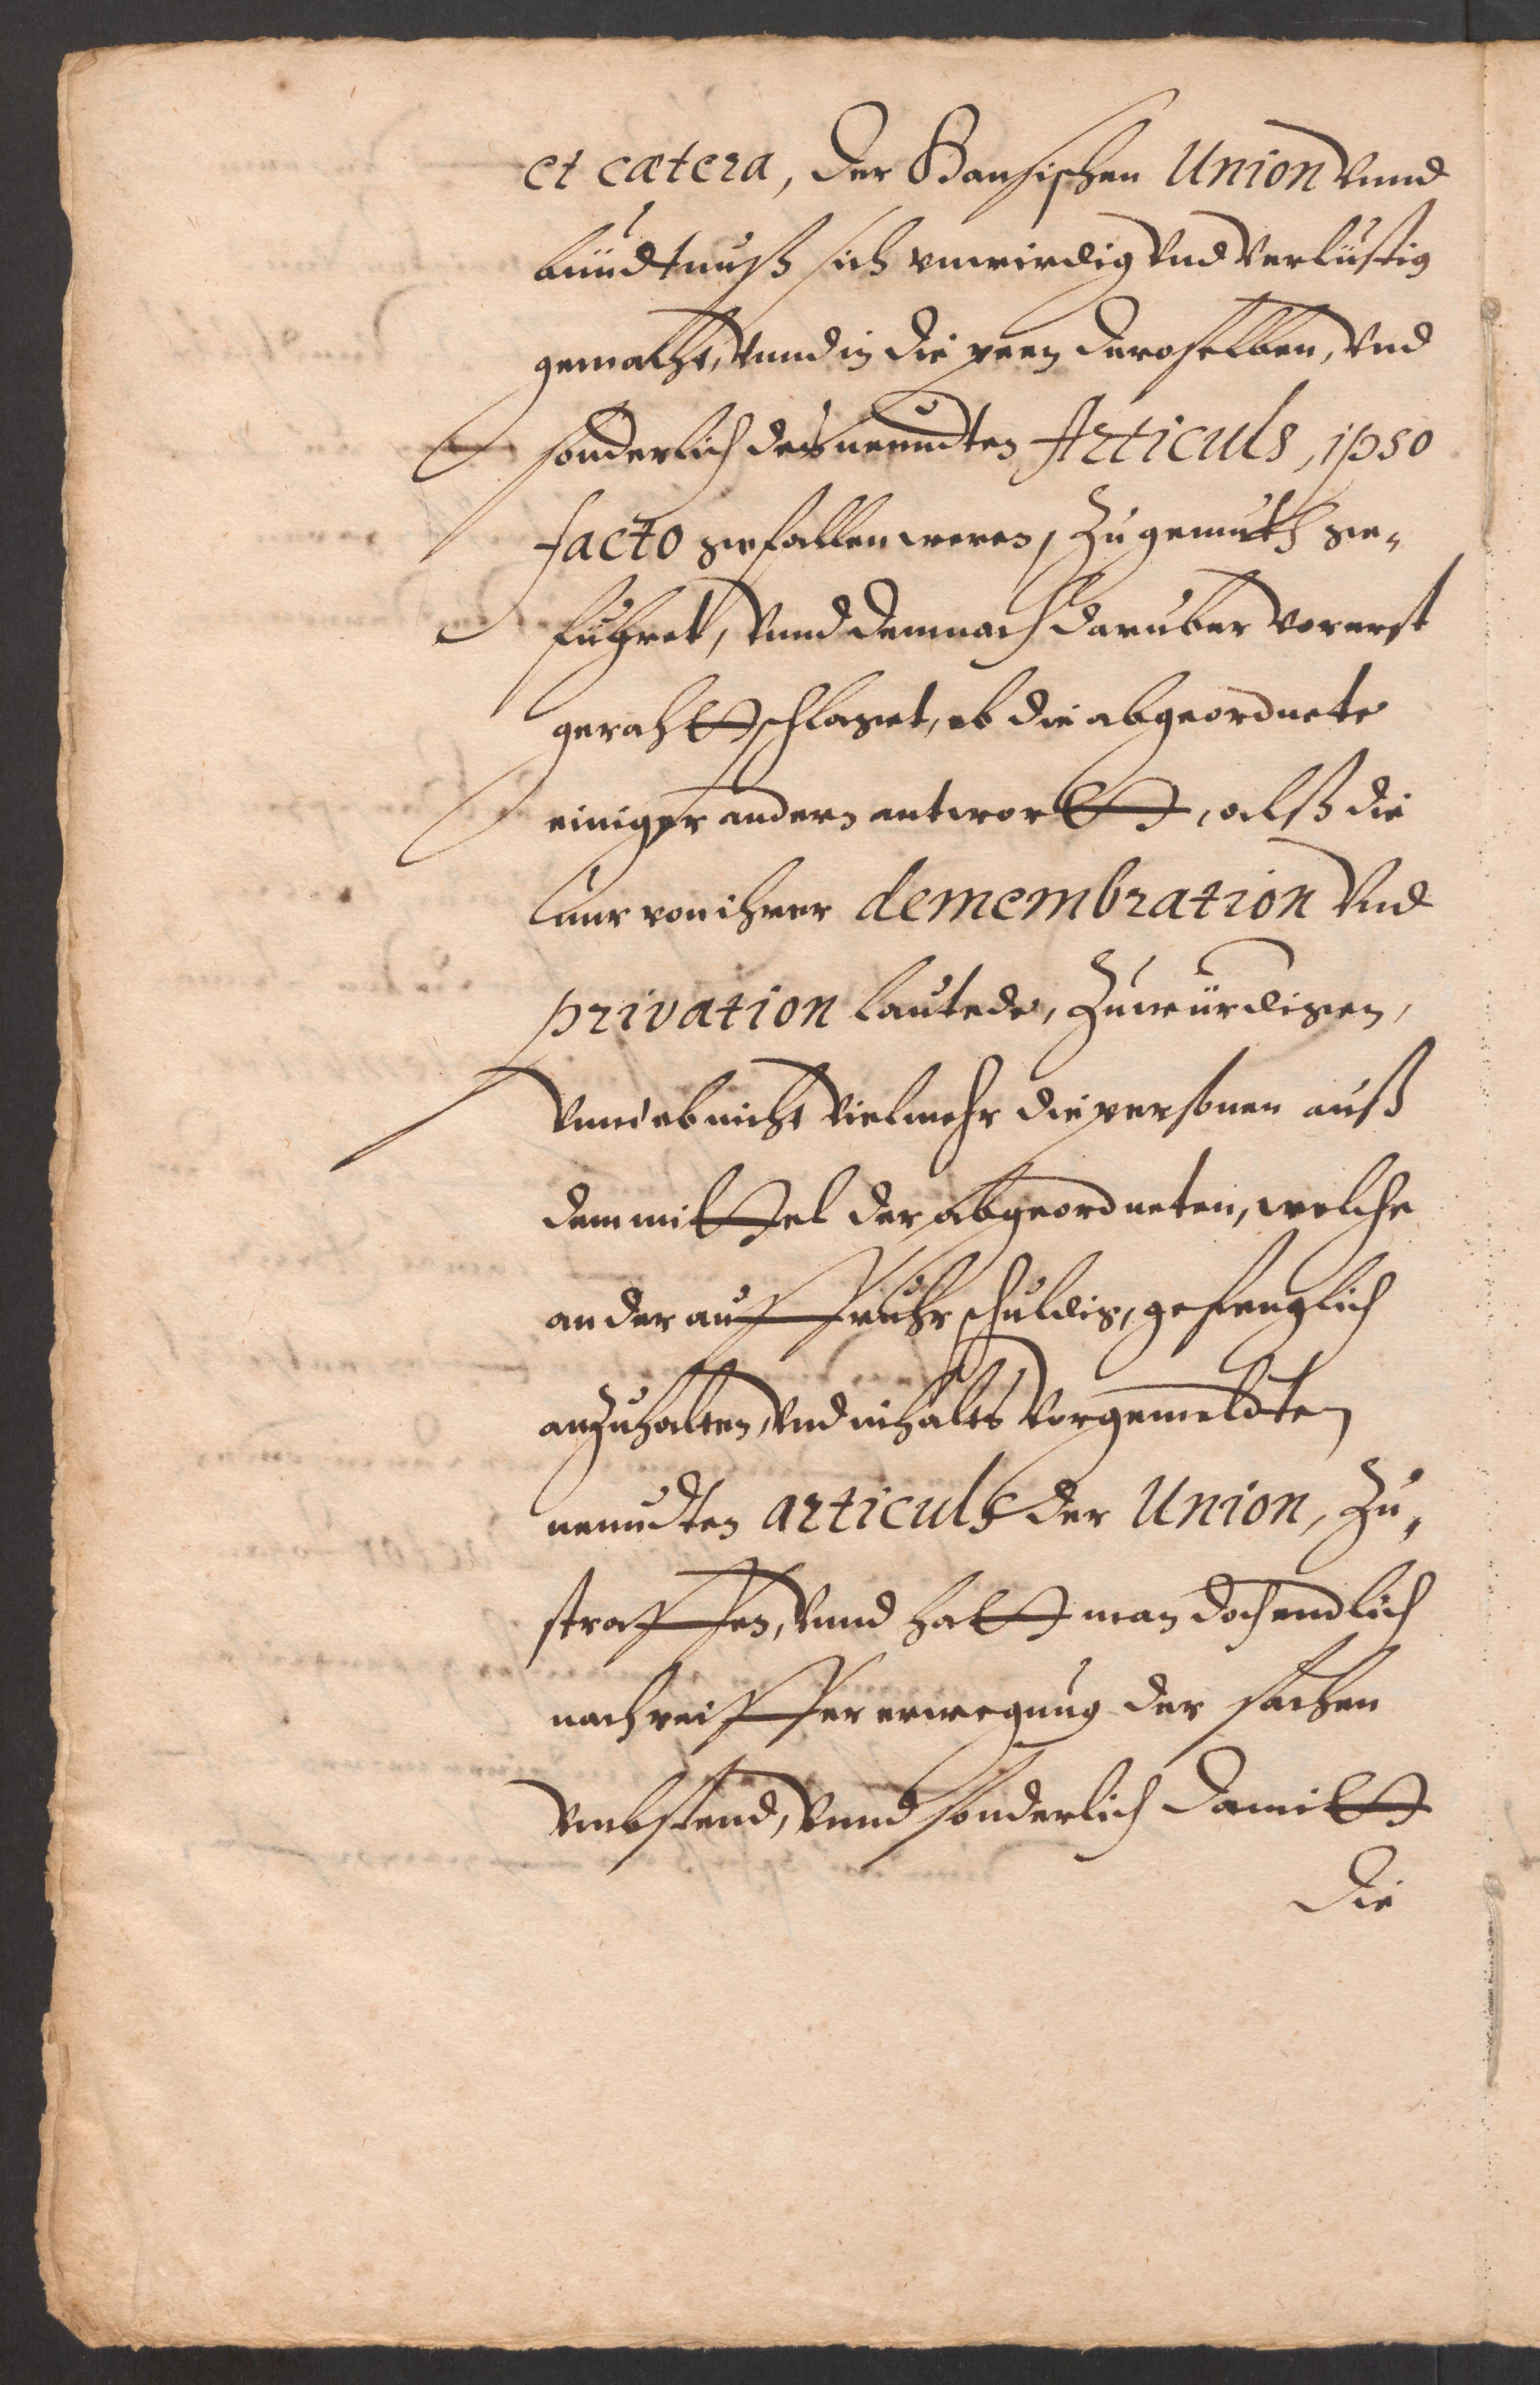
et caetera, der Hansischen Union vnnd
bündtnuß sich vnwirdig vnd verlüstig
gemacht, vnnd in die peen deroselben, vnd
sonderlich des neundten Articuls, ipso
facto gefallen weren, zu gemuth ge¬
führet, vnnd demnach darüber vorerst
gerahttschlaget, ob die abgeordnete
einiger andern antwortt, alß die
nur von ihrer demembration vnd
privation lautede, zuwürdigen,
vnnd ob nicht vielmehr die personen auß
dem mittel der abgeordneten, welche
an der auffruhr schuldig, gefenglich
anzuhalten, vnd inhalts vorgemeldten
neundten articuls der Union, zu¬
straffen, vnnd hatt man doch endlich
nach reiffer erwegung der sachen
vmbstend, vnnd sonderlich damitt
die
